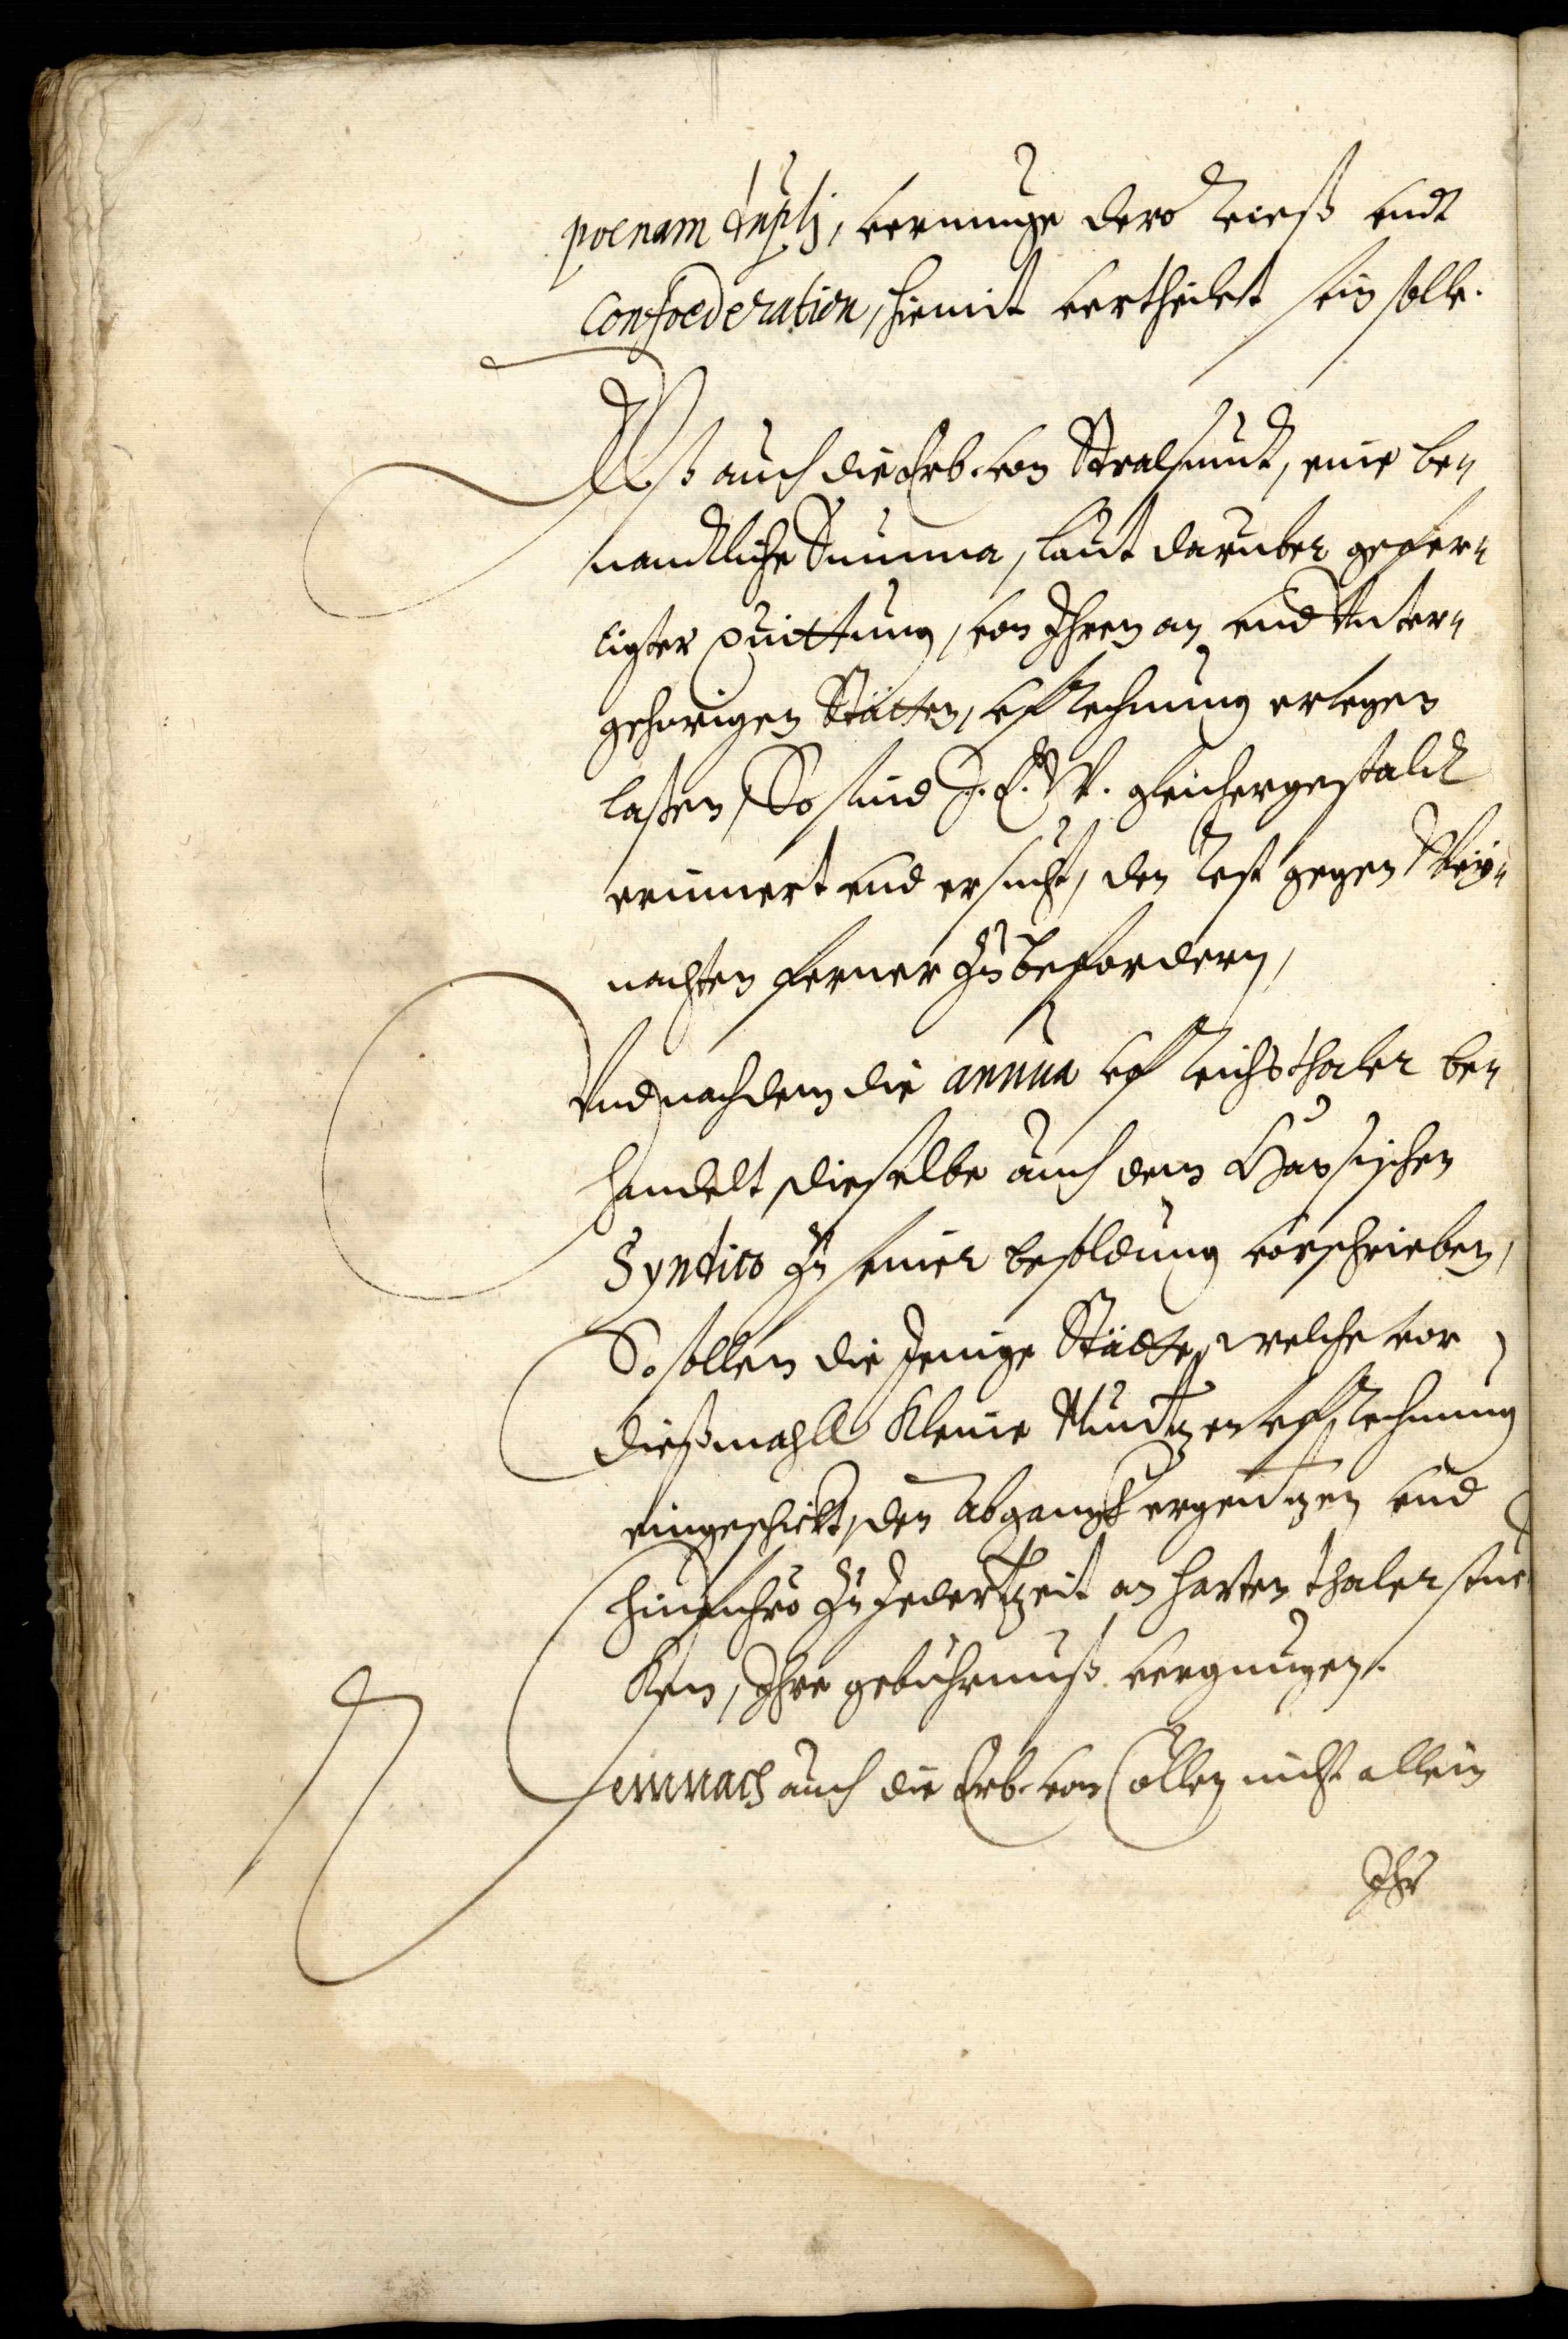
poenam deplj, vermuge dero receß vndt
Confoederation, hiermit vertheilet sein solle.
Alß auch die Erb. von Stralsundt, eine be¬
nandtliche Summa,laut daruber gefer¬
tigter quittung, von Jahren an vnd vnter¬
gehörigen Stätten, vf rechnung erlegen
laßen, So sind I.E.W. gleichergestaldt
erinnert vnd ersucht, den rest gegen Weij¬
nachten ferner zu befordern,
Vnd die annua vf reichsthaler be¬
handelt dieselbe auch de, Hansischen
Syndico zu seiner besoldung vorschrieben
So sollen die Jenige Stätte, welche vor
dießmahll kleine Muntz
eingeschickt, den Abgangh ergentzen vnd
hinfuhro zu Jedertzeit an harten thalerstuc¬
ken, Ihre gebuhrnuß vergungen.
Demnach auch die Erb. von Collen nicht allein
Ihr
